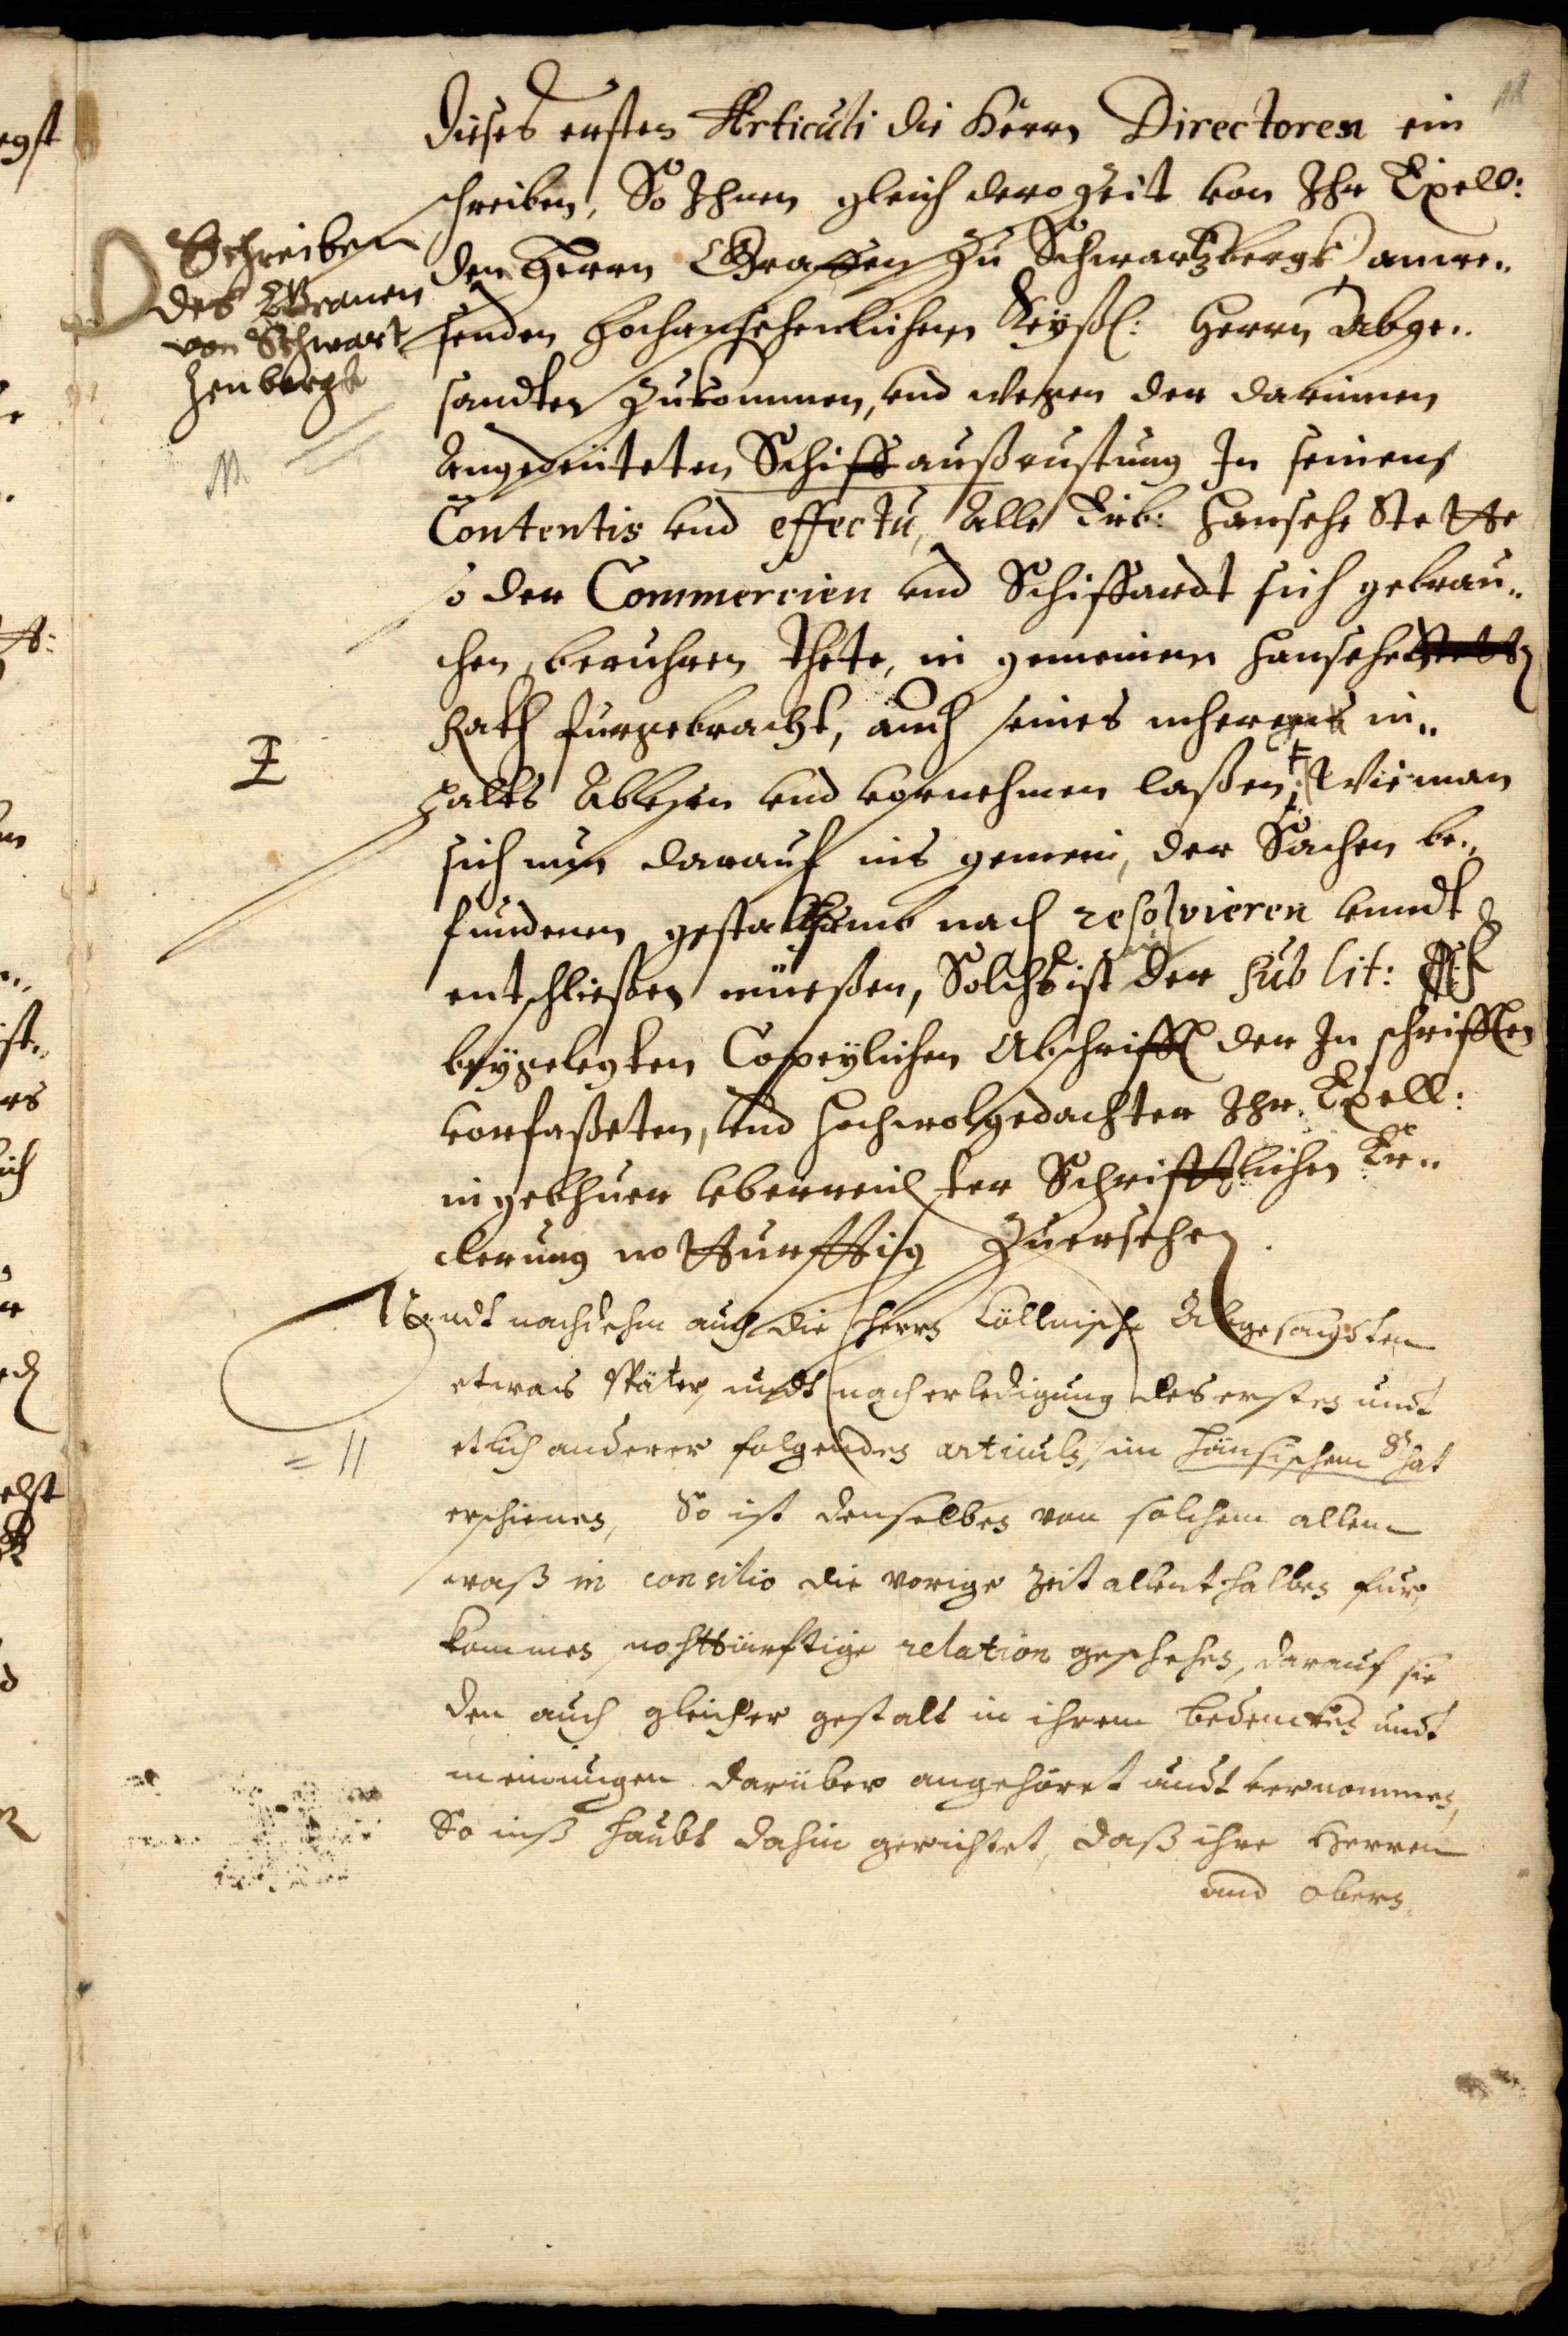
Schreiben
des Grauen
von Schwart
Zenbergk
E
Dieses ersten Articuli die Herrn Directoren ein
schreiben, So ihnen gleich dero Zeit von ihr Exell:
den Herrn Graffen Zu Schwartzbergk anwe¬
senden Hochansehenlichem Keijßl: Herrn abge¬
sandten Zukommen, vnd wegen der darinnen
angedeüteten Schiffaußrustung In seinen
Contentis vnd effectu alle Erb: Hansehe Stette
so der Commercien vnd Schiffardt sich gebrau¬
chen, beruhren thete, in gemeinen hansehe Stetten
Rath furgebracht, auch seines mherens in¬
halts ablesen vnd vornehmen laßen, Wie man
sich nun darauf ins gemein, der Sachen be¬
fundenen gestaltsamb nach resolvieren vnndt
entschließen müeßen, Solchs ist aus der Sub lit: E: F
beijgelegten Copeijlichen Abschrifften der in schrifften
vorfaßeten, vnd hochwolgedachter ihr Exell:
in gebhuer vberreichter Schrifftlichen Er¬
clerung notturfftig Zuersehen.
Undt nachdehm auch die herrn Cöllnische abgesandten
etwas später, undt nach erledigung des ersten undt
etlich anderer folgenden articuln im hänsischem Rhat
erschienen, So ist denselben von solchem allem
waß in consilio die vorige Zeit allenthalben fur
kommen nohttürftige relation geschehen, darauf sie
den auch gleicher gestalt in ihrem bedencken undt
meinungen darüber angehöret undt vernommen,
So inß haubt dahin gerichtet, daß ihre Herren
und obern
